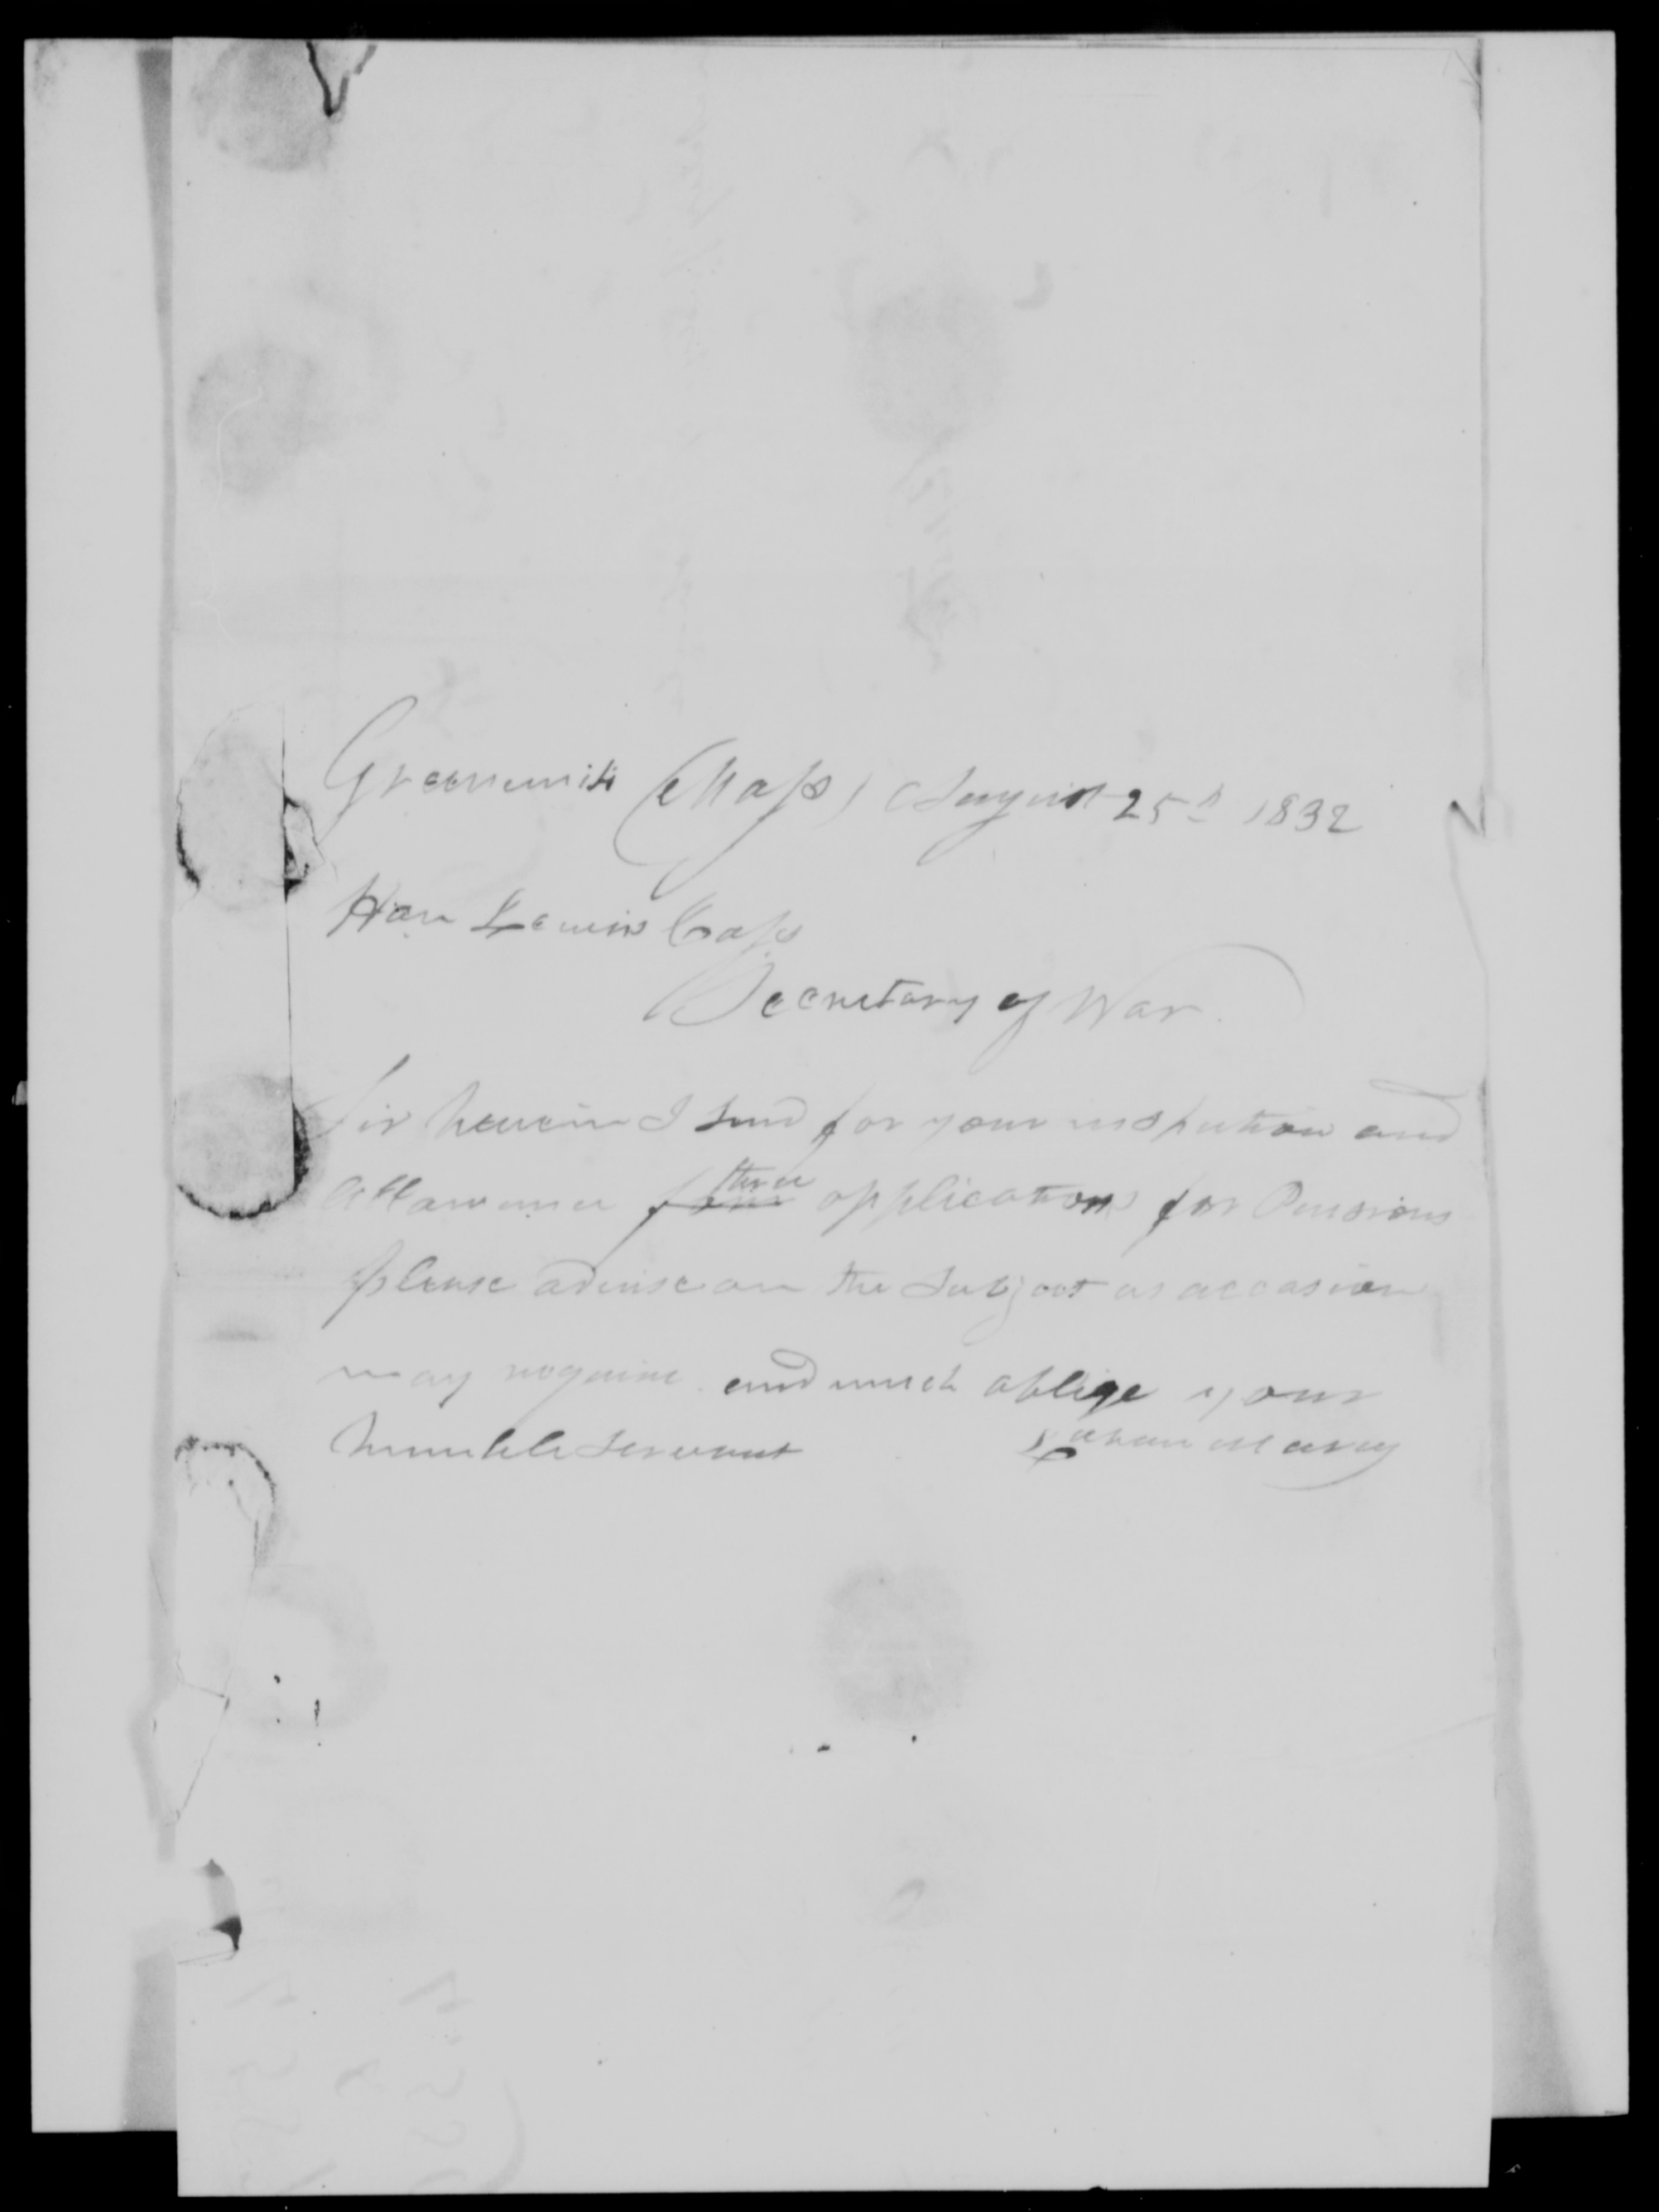Greenwich Mass August 25th 1832
Hon Lewis Cass
Secretary of War
 Sir herein I send for your inspection and allow these applications for pensions please ad inscan the subject as occasion may require and much oblige your humble servant Lanam Maury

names: Lewis Cass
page: 20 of 20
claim: survivor's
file: S. 11778, Silas Williams, Mass.